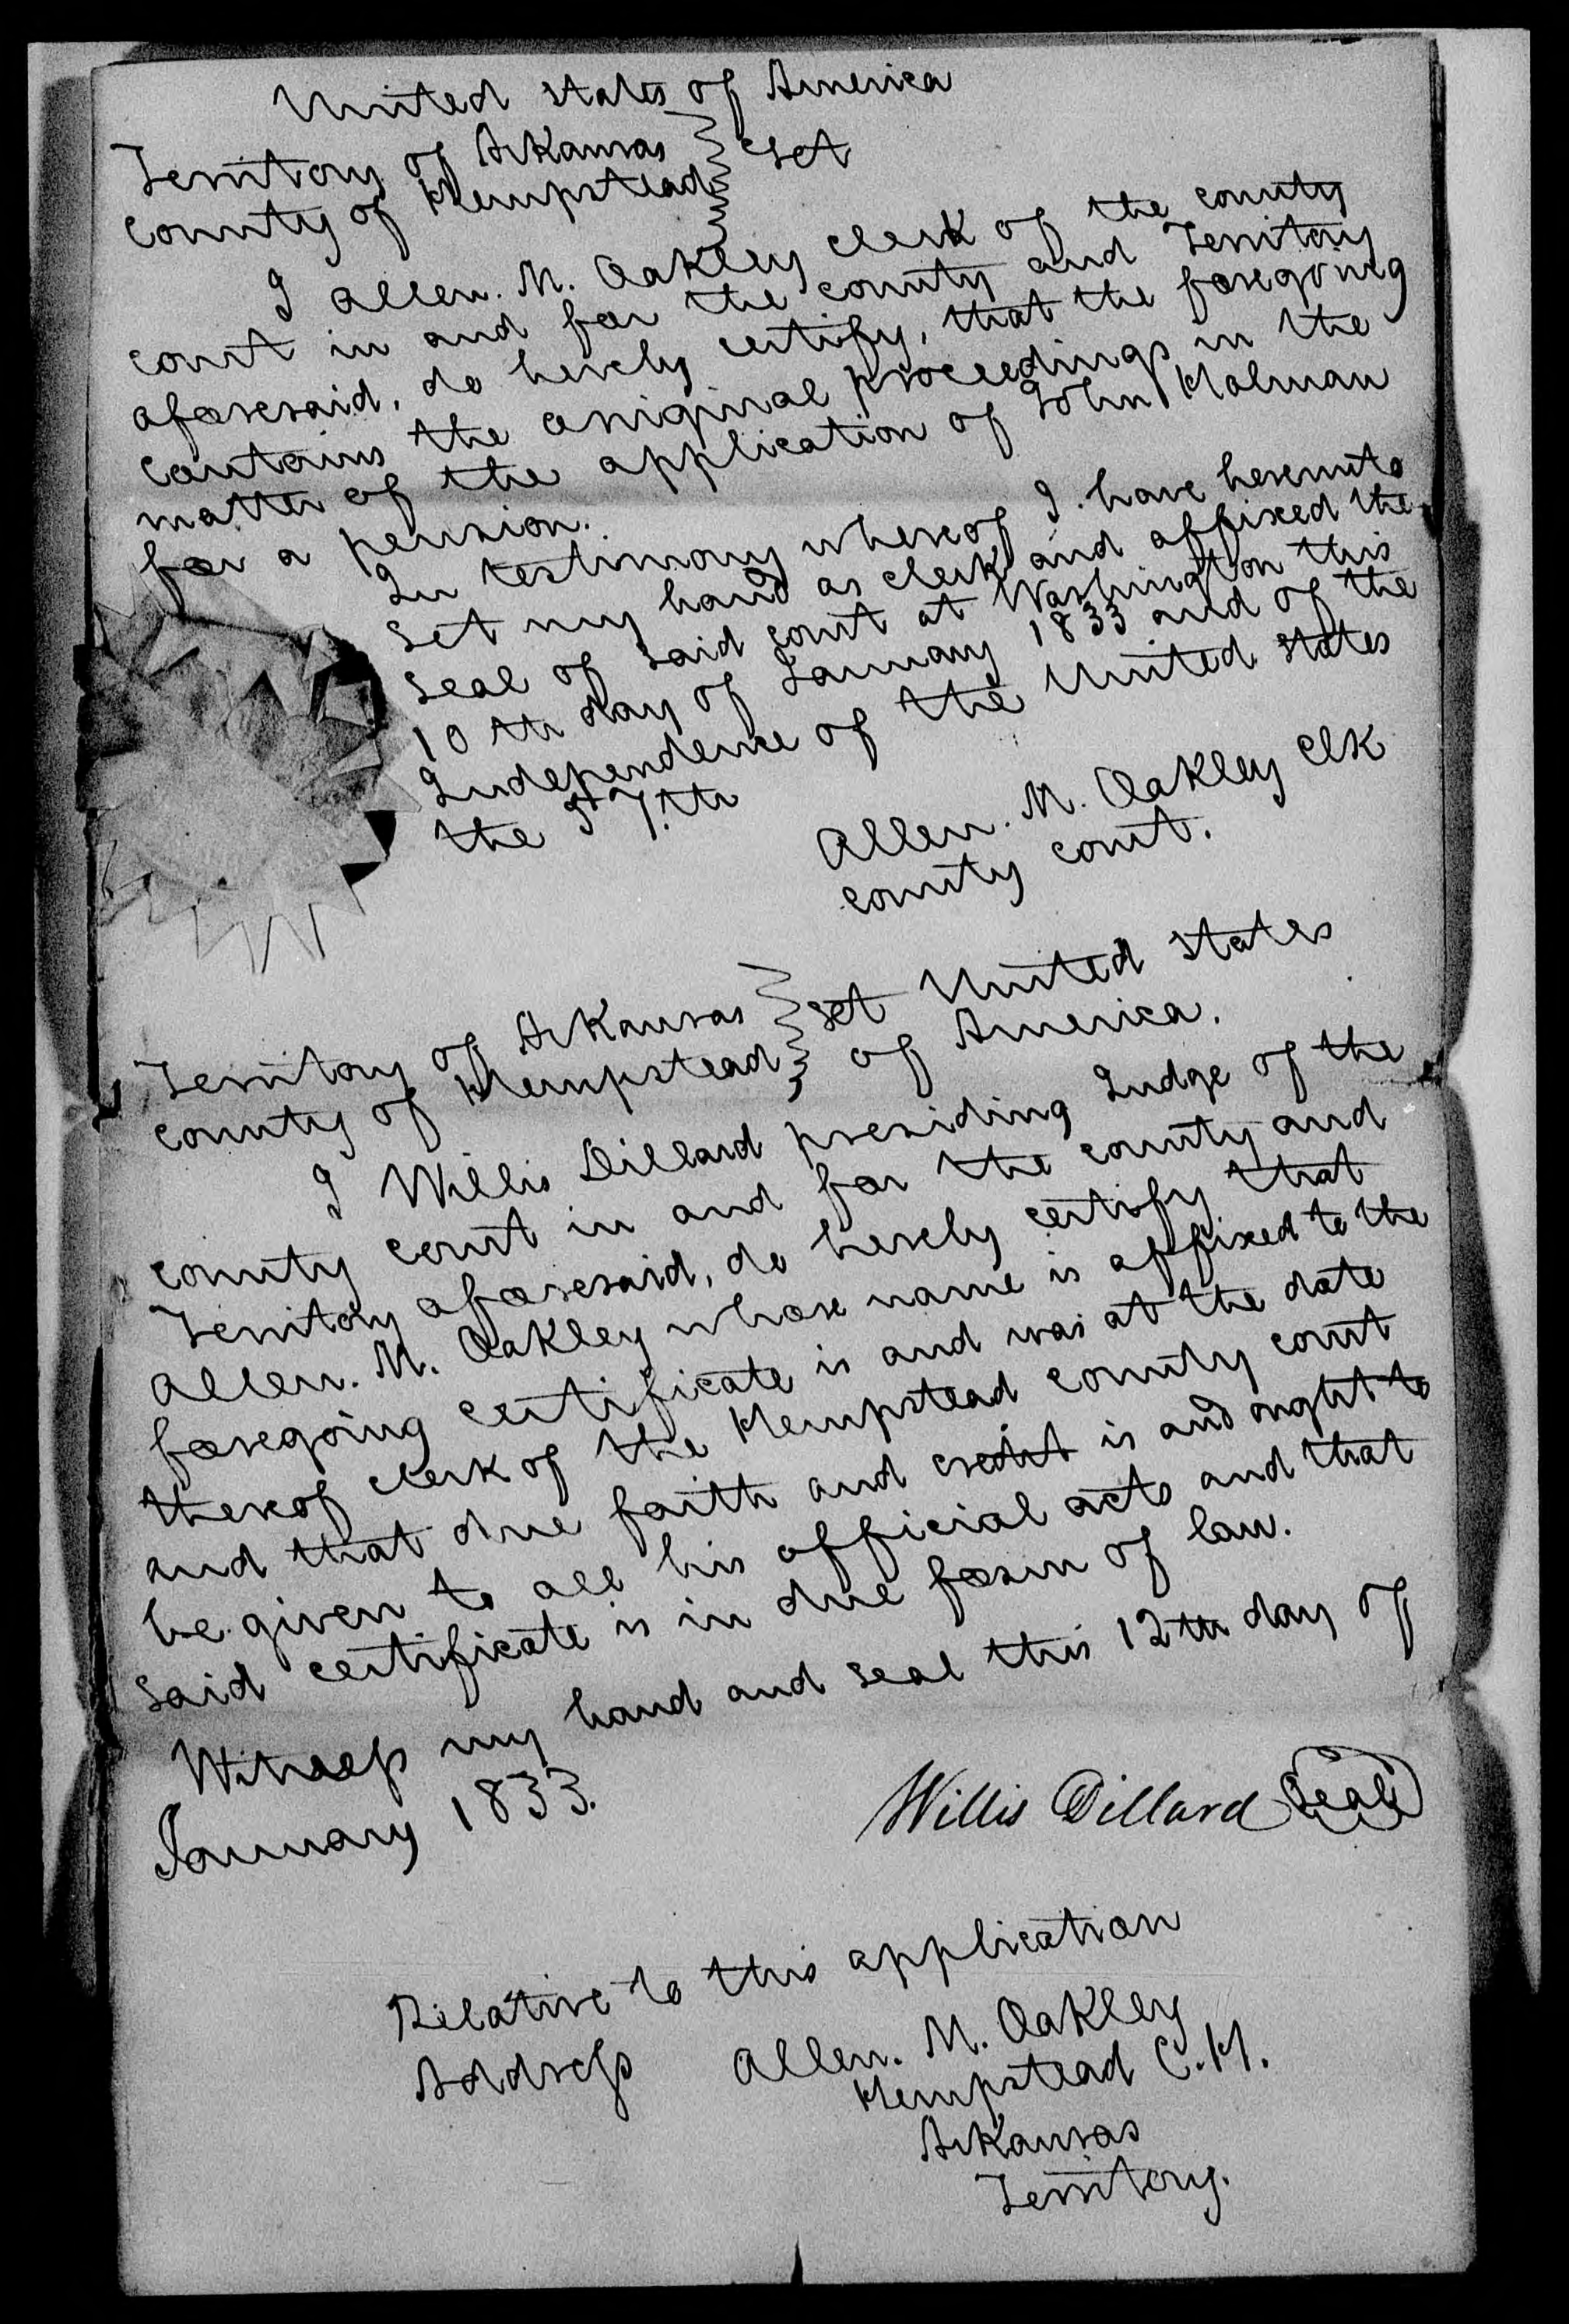United States of America
Territory of Arkansas
County of Hempstead
Set
I Allen M. Oakley clerk of the county
court in and for the county and Territory
aforesaid, do hereby certify, that the foregoing
contains the original proceedings in the
matter of the application of John Holman
for a pension .
In testimony whereof I have hereunto
set my hand as clerk and affixed the
seal of said court at Washington this
10th day of January 1833 and of the
Independence of the United States
the 57th.
Allen M. Oakley Clk
County court
[illegible round black ink seal left side]

Territory of Arkansas 
County of Hempstead
set United States of America
I Willis Dillard presiding Judge of the
county court in and for the county
and Territory aforesaid, do hereby certify that
Allen M. Oakley whose name is affixed to the 
foregoing certificate is and was at the date 
thereof clerk of the Hempstead county court 
and that due faith and credit is and ought to
be given to all his official acts and that
said certificate is in due form of law.
Witness my hand and seal this 12th day of 
January 1833.
Willis Dillard [word "seal" surrounded by circle]

Relative to this application Address 
Allen M. Oakley
Hempstead C.M.
Arkansas Territory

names: Allen M Oakley, Willis Dillard, Allen M Oakley, Allen M Oakley, Allen M Oakley, John Halman, Willis Dillard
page: 12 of 30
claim: survivor's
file: S. 31753, John Holman, Va.